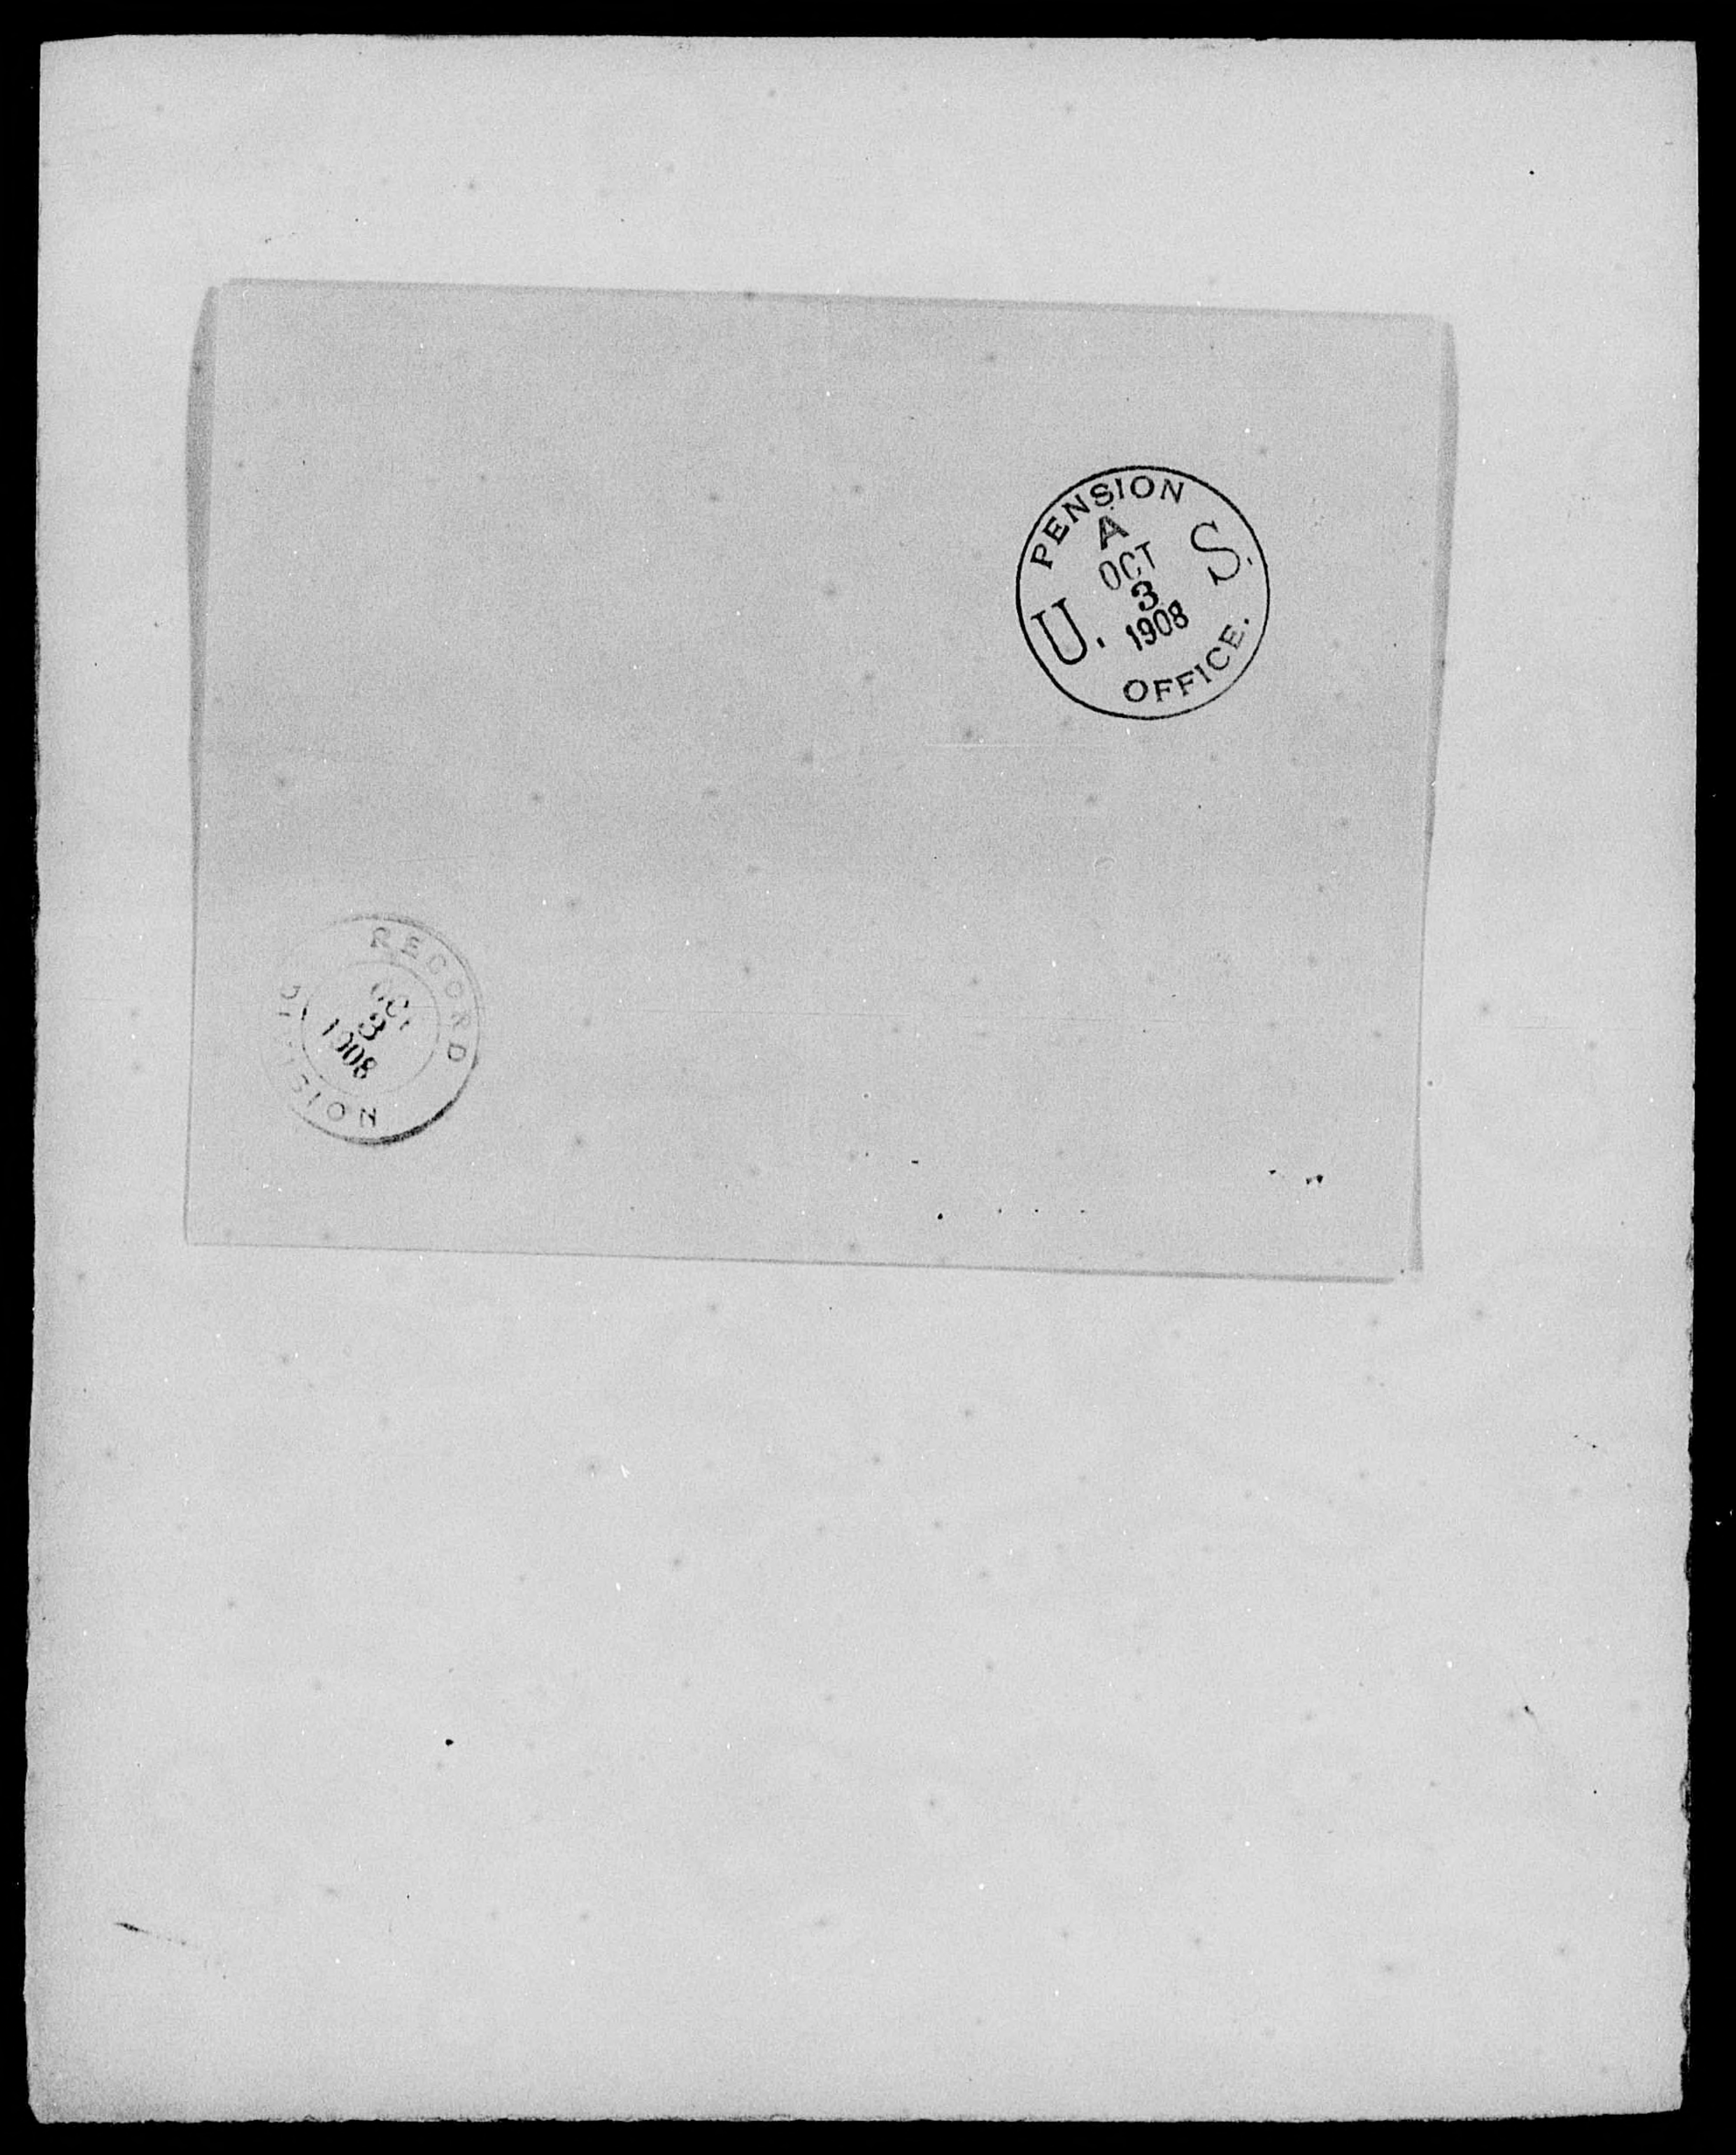[Stamp:]
U.S. PENSION OFFICE.
A  OCT 3 1908

[Stamp:]
RECORD DIVISION
OCT 3 1908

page: 17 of 58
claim: survivor's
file: S. 6,941, Starling Gunn, Continental Va.